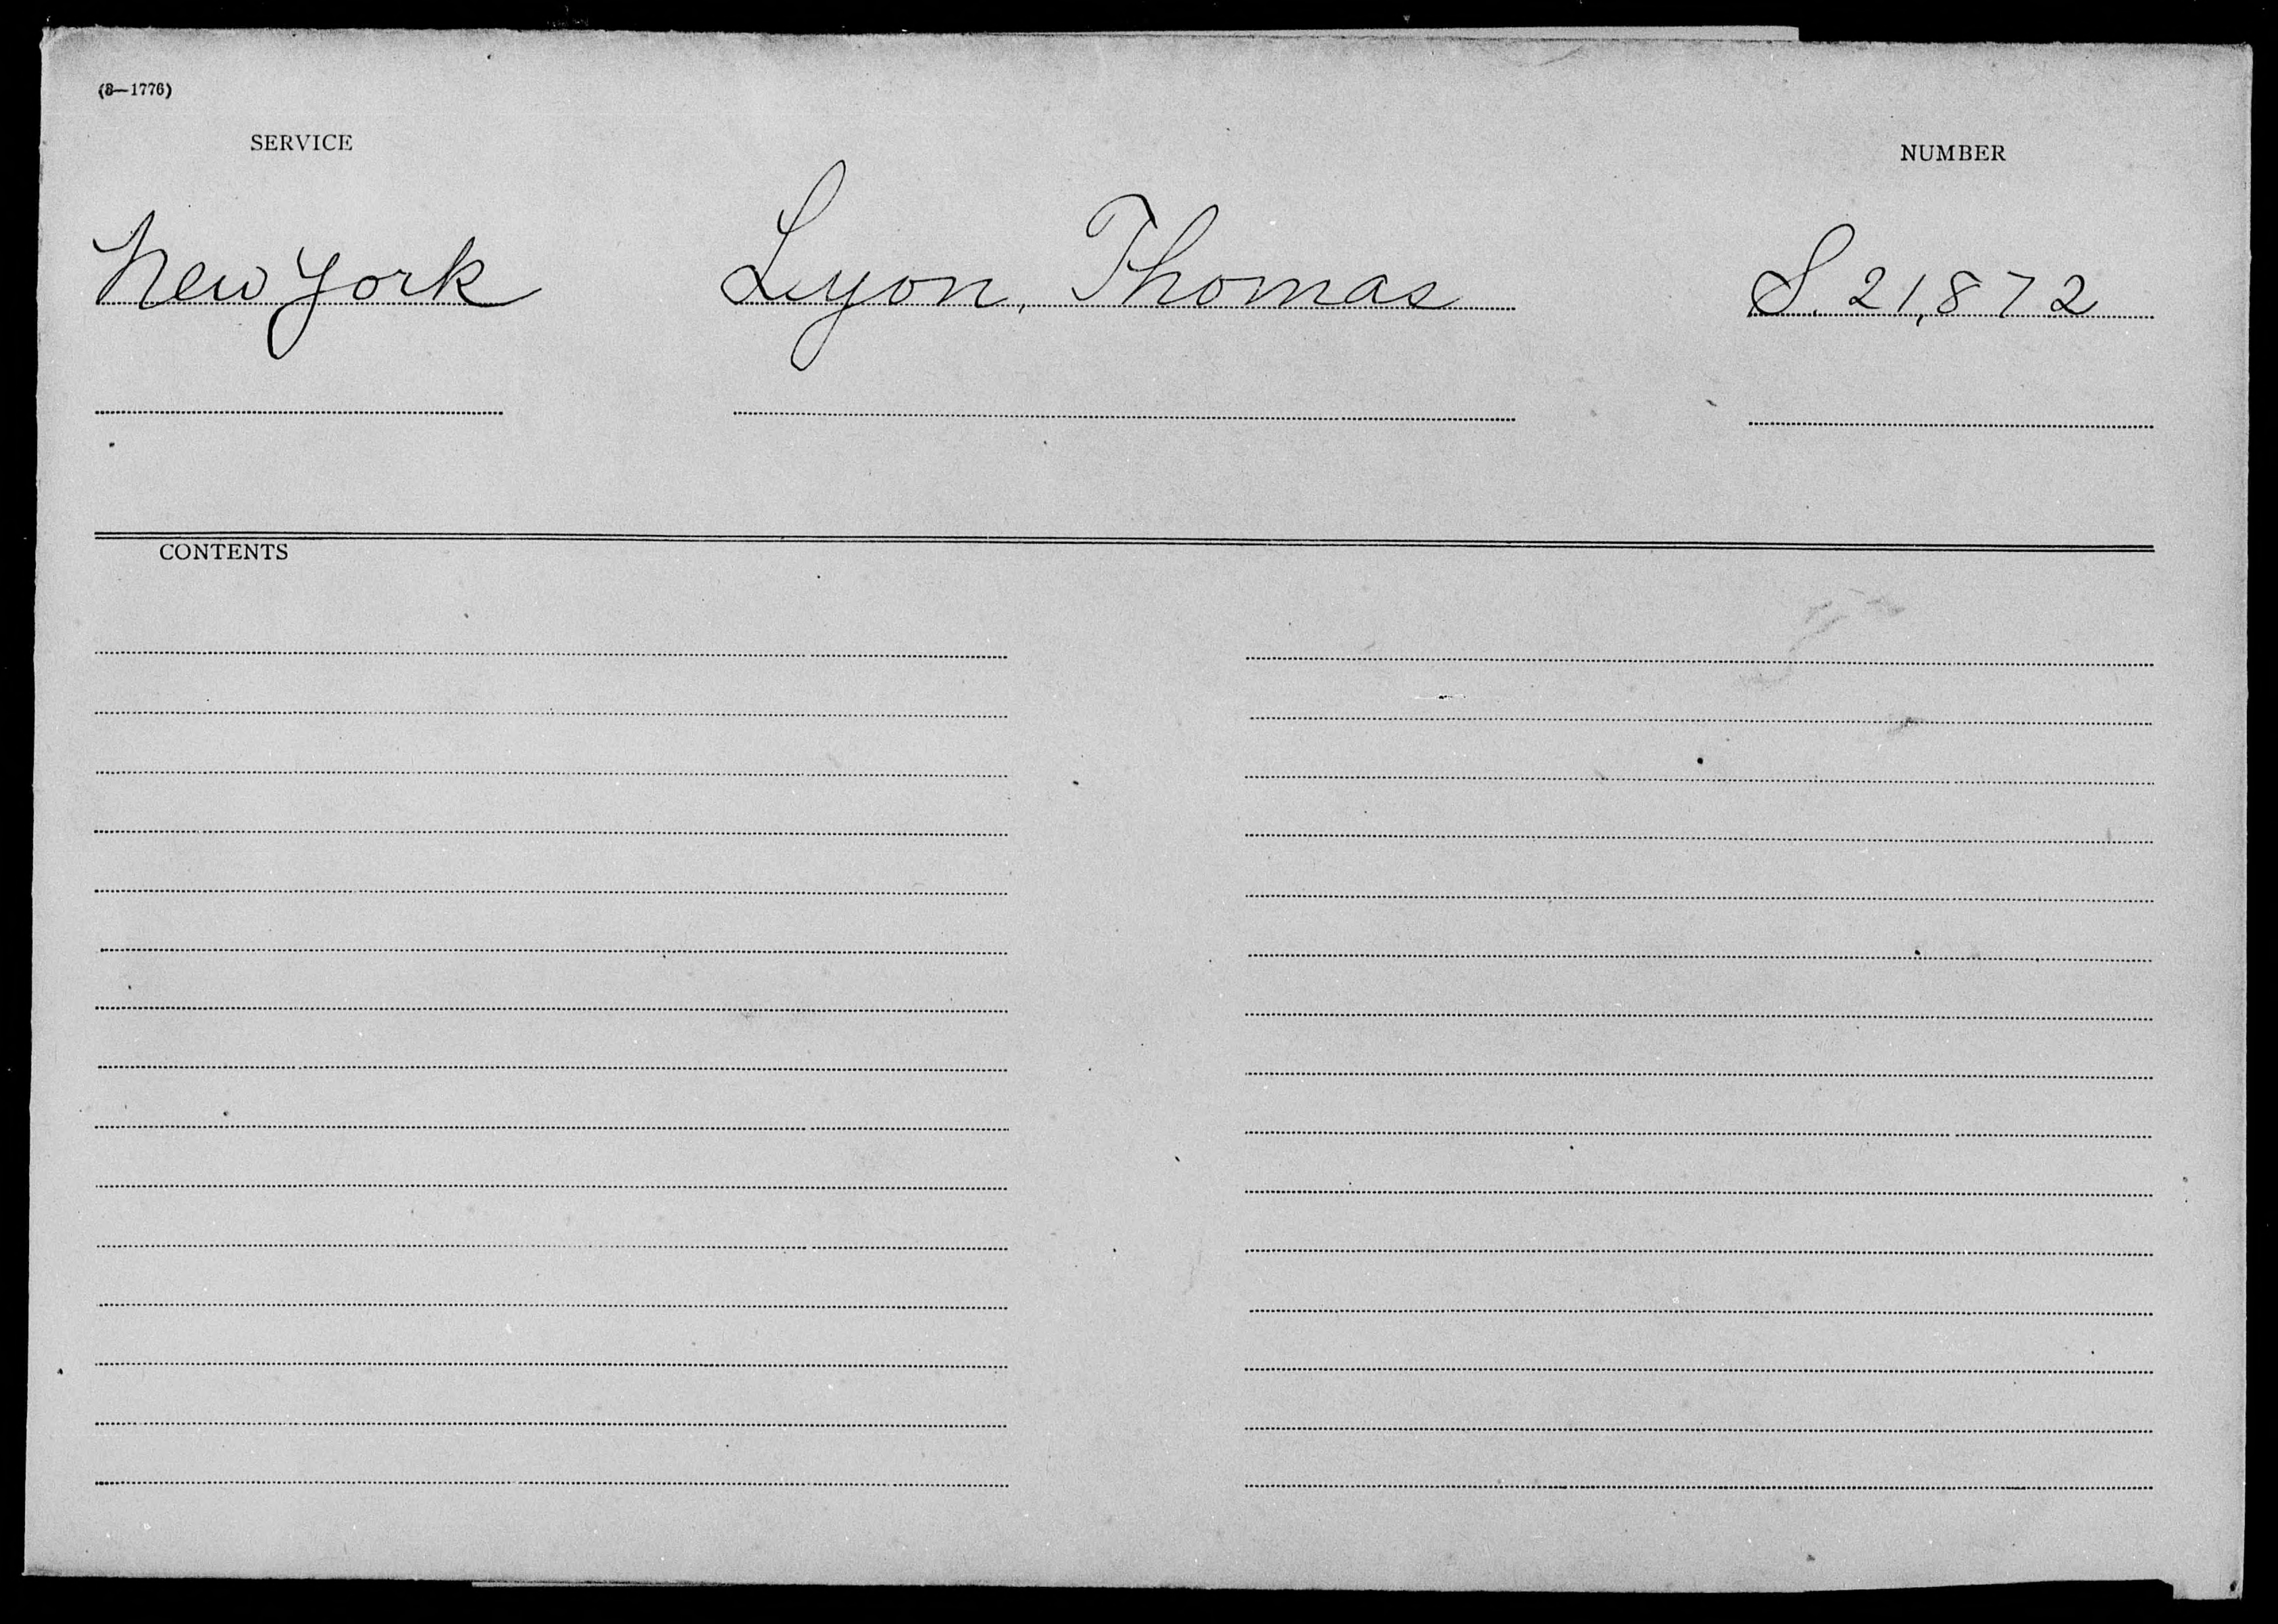(3 - 1776)

SERVICE
New York

Lyon, Thomas

NUMBER
S.21,872

===
CONTENTS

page: 1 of 28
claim: survivor's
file: S. 21,872, for Thomas Lyon, New York